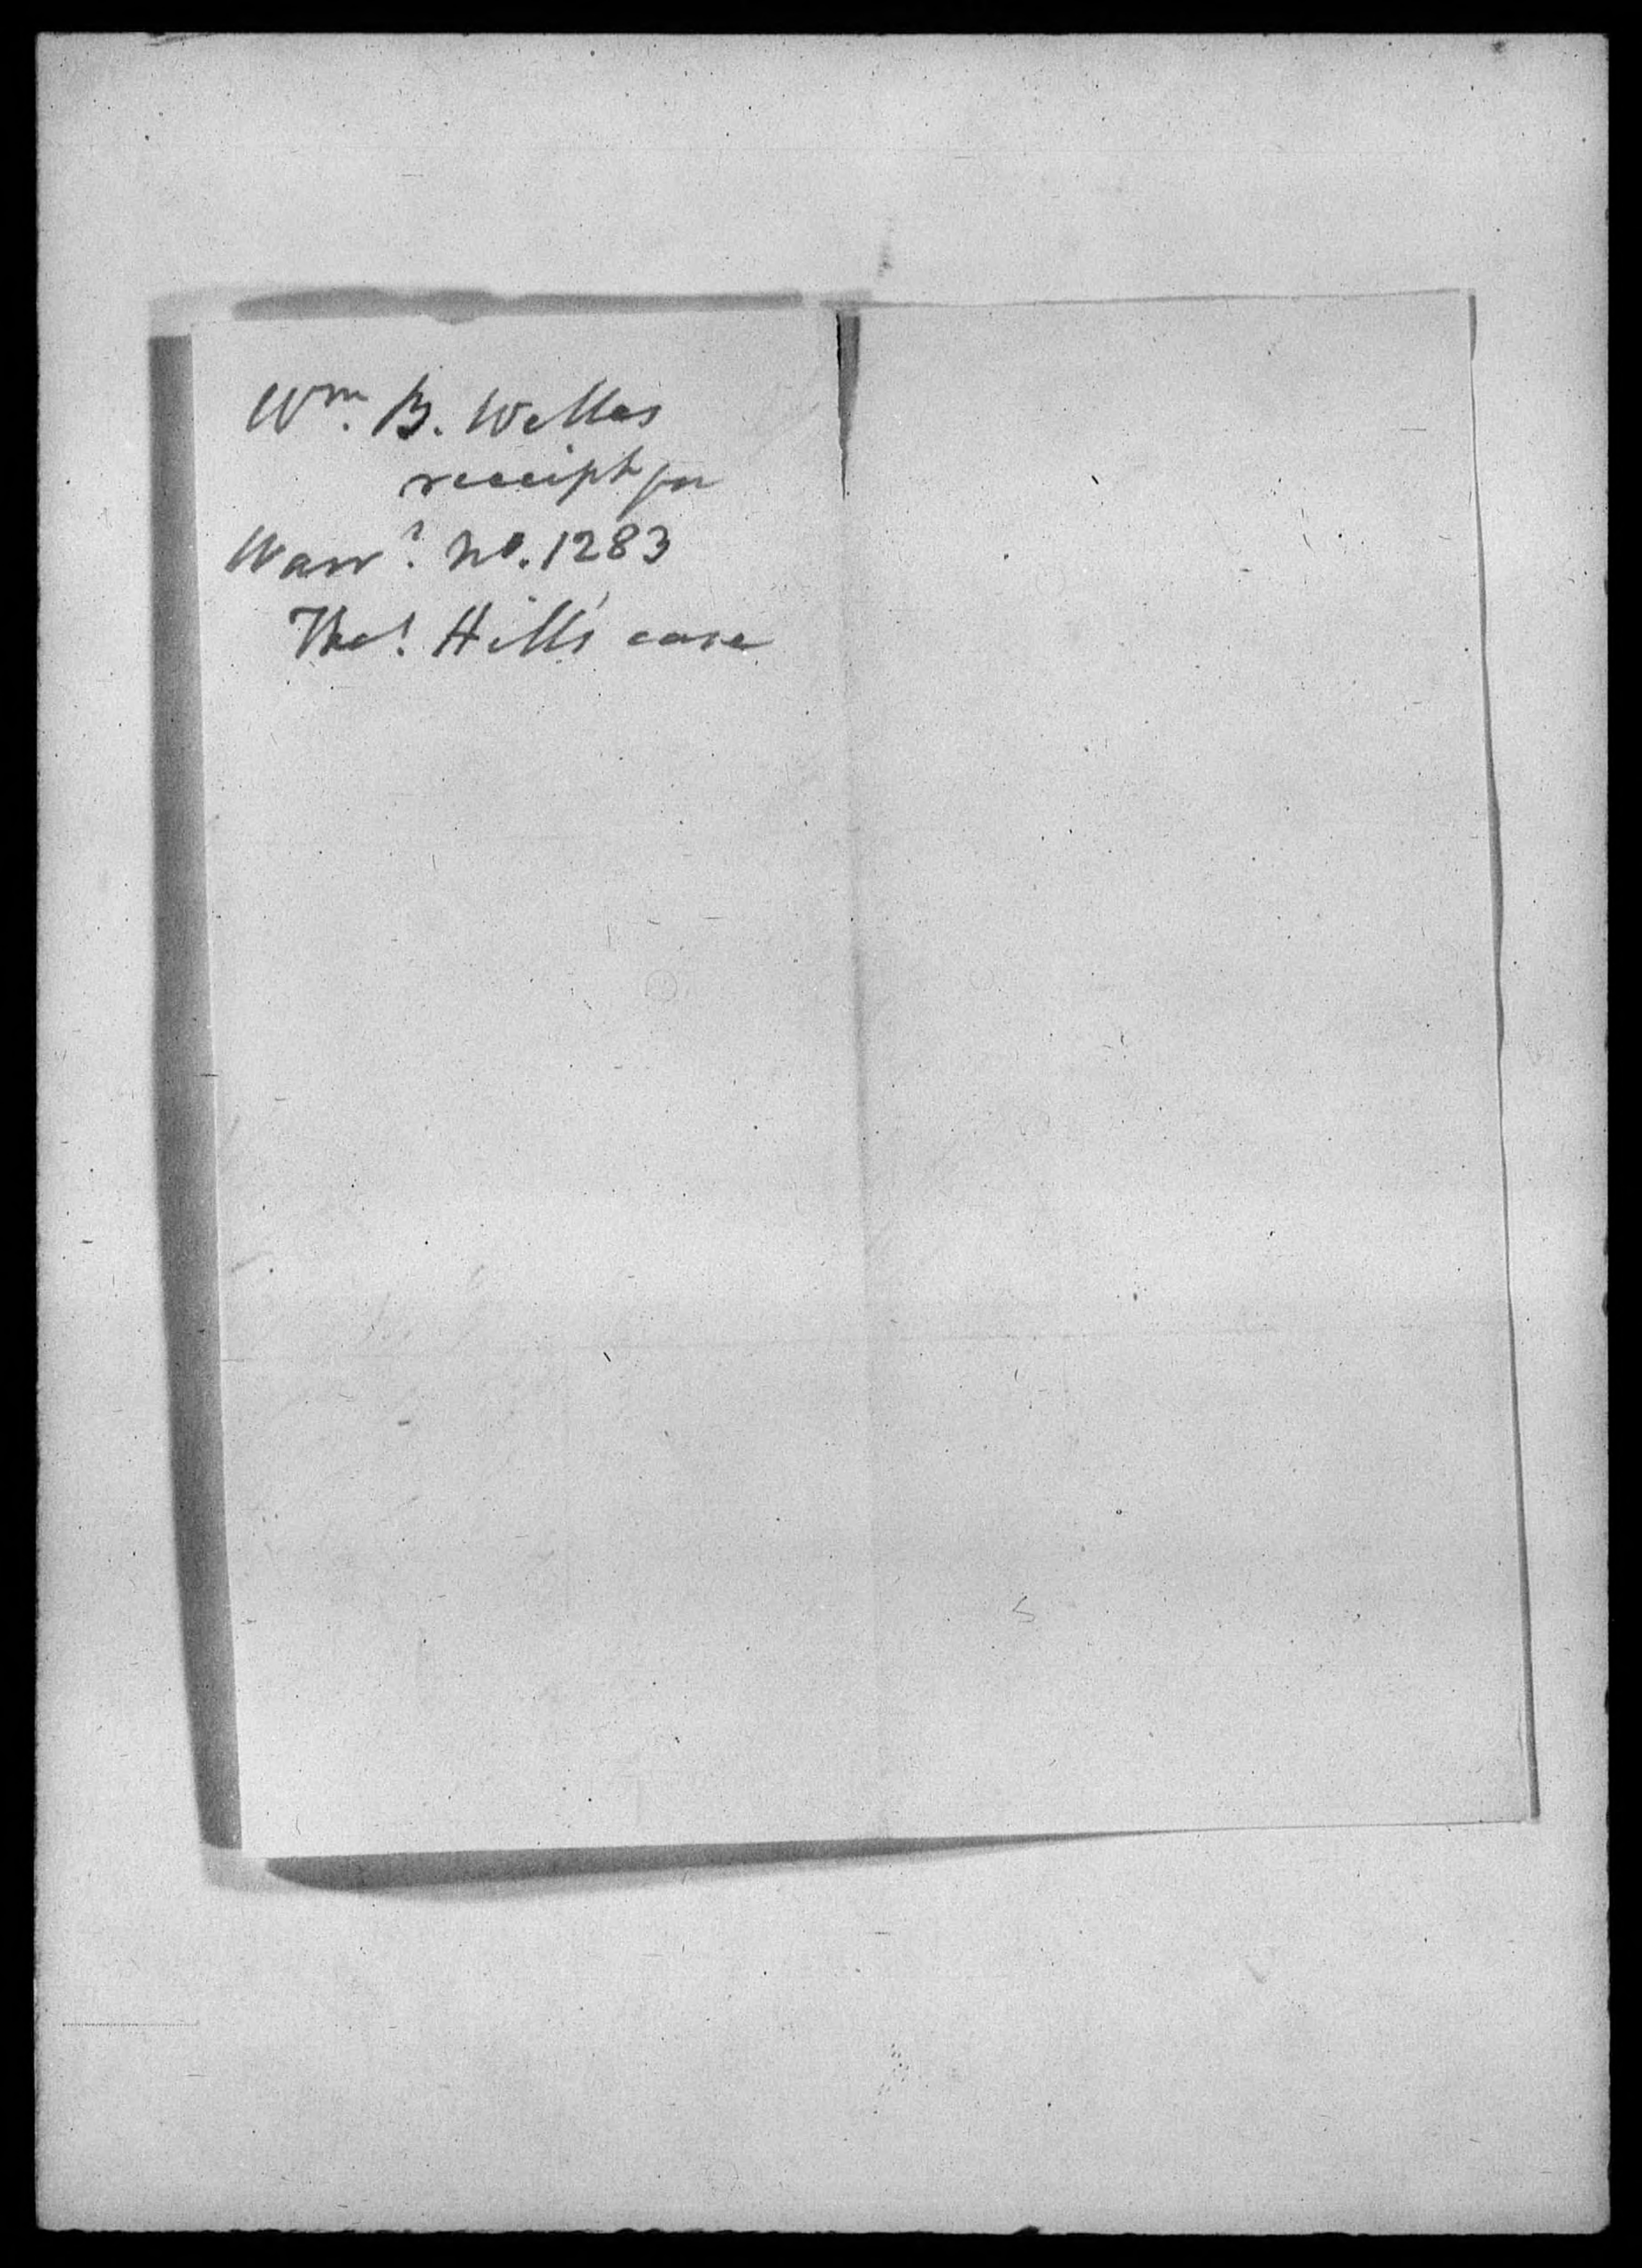Wm. B. Welles
receipt for 
Warr . no. 1283
The Hills case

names: Wm B Welles, Thos Hill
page: 2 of 31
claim: survivor's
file: S. 43672, Thomas Hill, New York